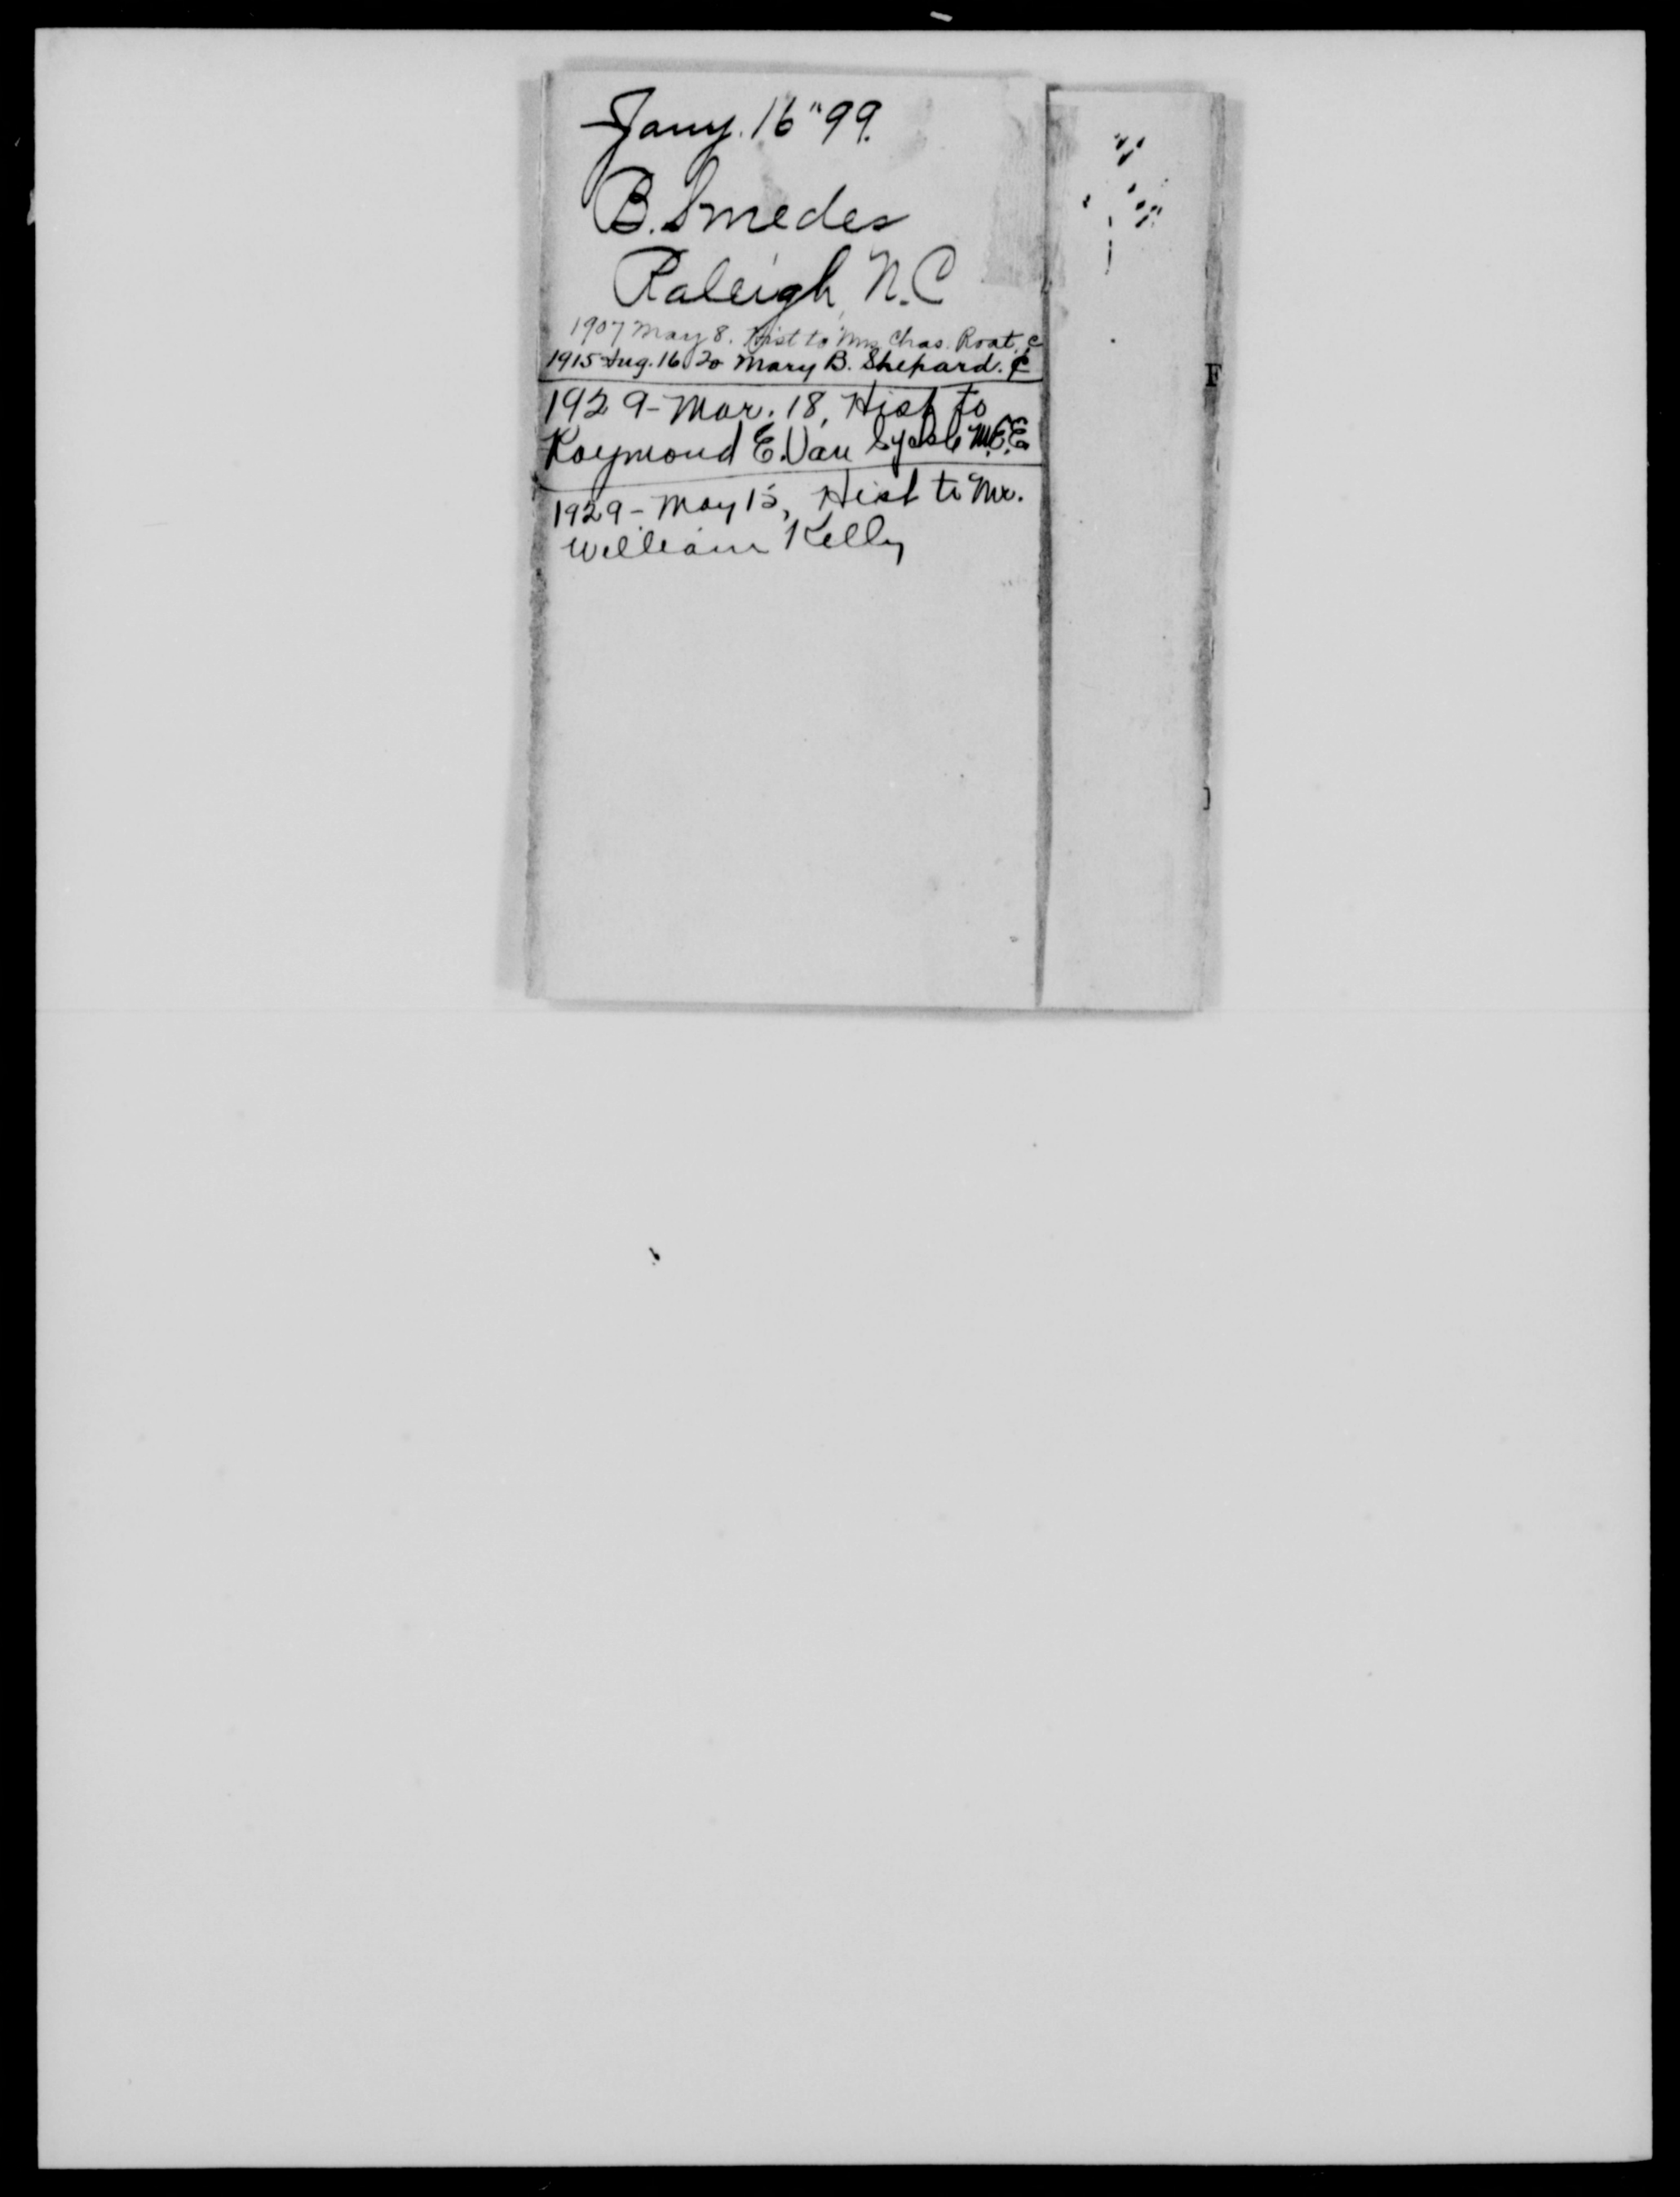Jany [January] 16 '99
B. Smedes
Raleigh N.C.

1907 May 8 Hist [History] to Mrs. Chas. Root. c
1915 Aug. 16 to Mary B. Shepard. c
1929-Mar. 18, Hist to Raymond E. Van Syckle M.E.E.
1929--May 15, Hist to Mr. William Kelly

F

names: Mary B Shepard; B Smedes; William Kelly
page: 29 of 29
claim: survivor's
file: S. 11415, for Aldert Smedes, New York